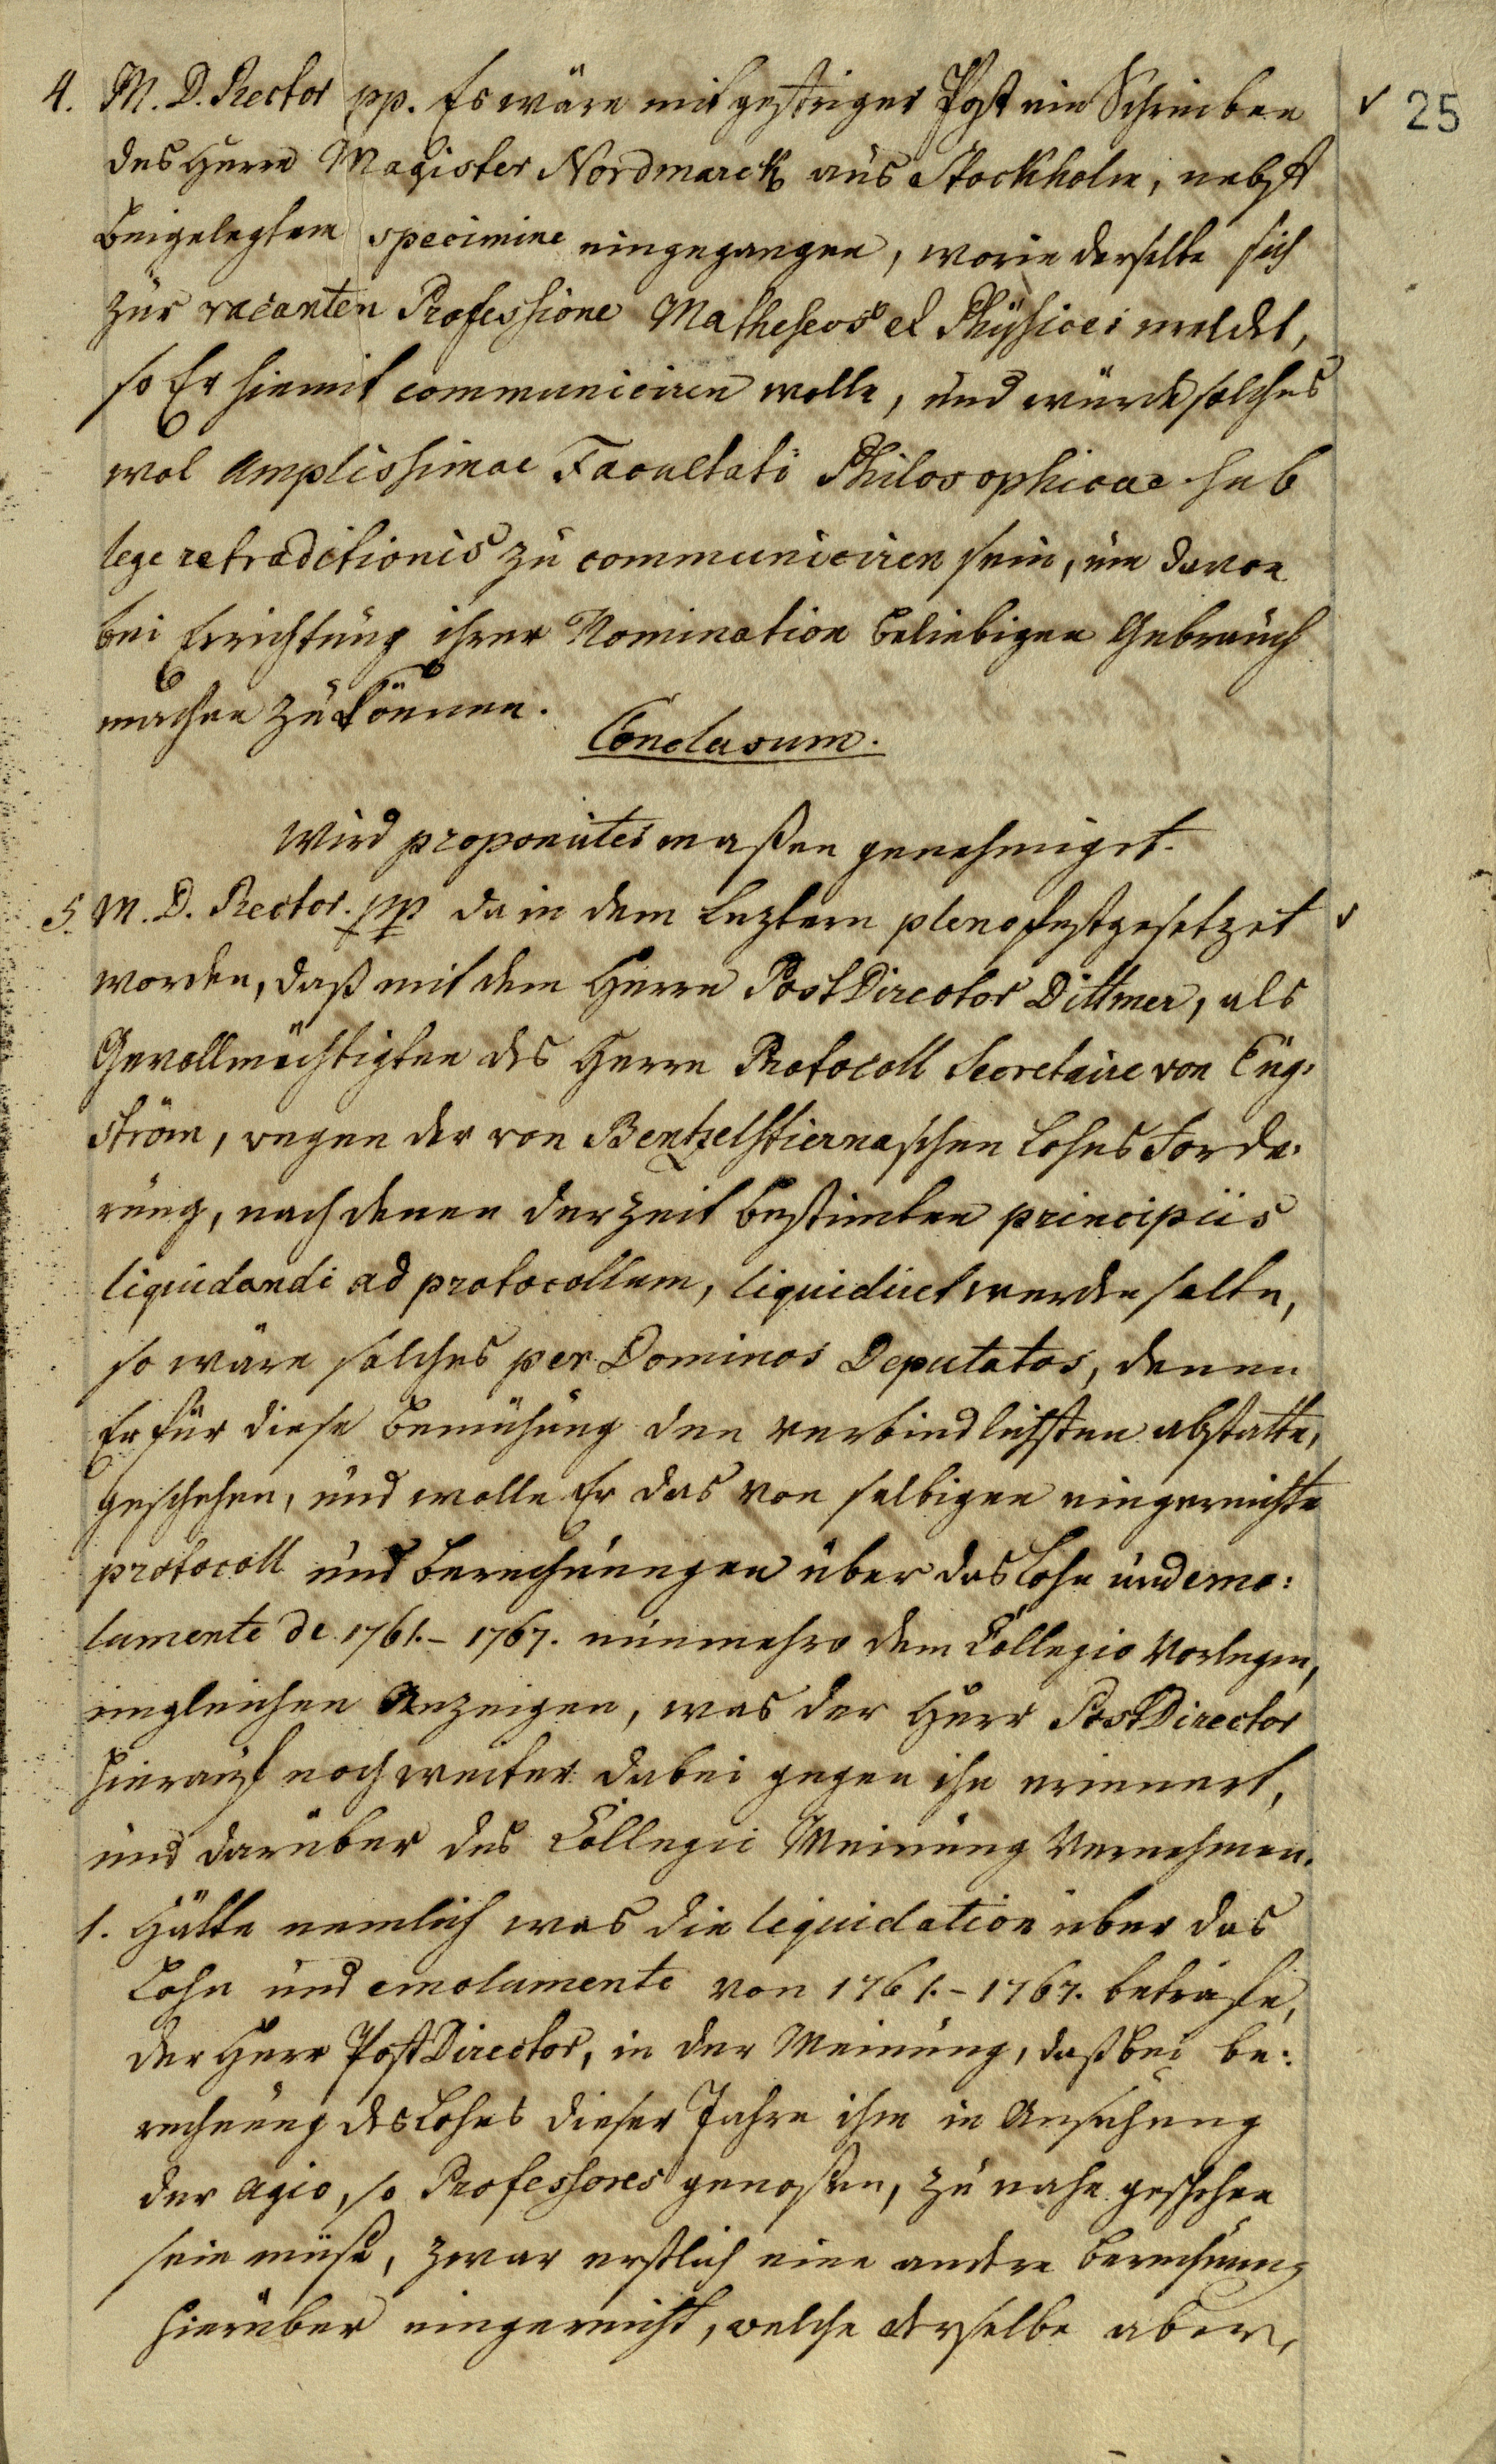4. M. D. Rector pp. Es wäre mit gestriger Post ein Schreiben
des Herr Magister Nordmarck aus Stockholm, nebst
beigelegtem specimine eingegangen, worin derselbe sich
zur vacanten Professione Matheseos et Phÿsicei meldet,
so Er hiemit communiciren wolle, und wünsche solches
wol Amplissimae Facultati Philosophicae sub
lege retraditionis zu communiciren sein, um davon
bei Errichtung ihrer Nomination beliebigen Gebrauch
machen zu können.
Conclusum
Wird proponirter maaßen genehmiget.
5. M. D. Rector pp Da in dem lezten pleno festgesetzet
worden, daß mit dem Herr PostDirector Dittmer, als
Gevollmächtigten des Herrn Protocoll Secretaire von Eng¬
ström, wegen der von Bentzelstiernaschen Lohns Forde¬
rung, nach denen derzeit bestimten principiis
liquidandi ad protocollum, liquidiret werden solte,
so wäre solches per Dominos Deputatos, denen
Er für diese Bemühung den verbindlichsten abstatte,
geschehen, und wolle Er das von selbigen eingereichte
protocoll und Berechnungen über das Lohn und emo¬
lumente de 1761.-1767. nunmehro dem Collegio vorlegen,
imgleichen Anzeigen, was der Herr PostDirector
hierauf noch weiter dabei gegen ihn erinnert,
und darüber des Collegii Meinung vernehmen.
1. Hätte nnemlich was die liquidation über das
Lohn und emolumente von 1761.-1767. beträfe,
der Herr PostDirector, in der Meinung, daß bei be¬
rechnung des Lohns dieser Jahre ihm in Ansehung
der agio, so Professores genoßen, zu nahe geschehen
sein müße, zwar erstlich eine andere Berechnung
hierüber eingereicht, welche derselbe aber,